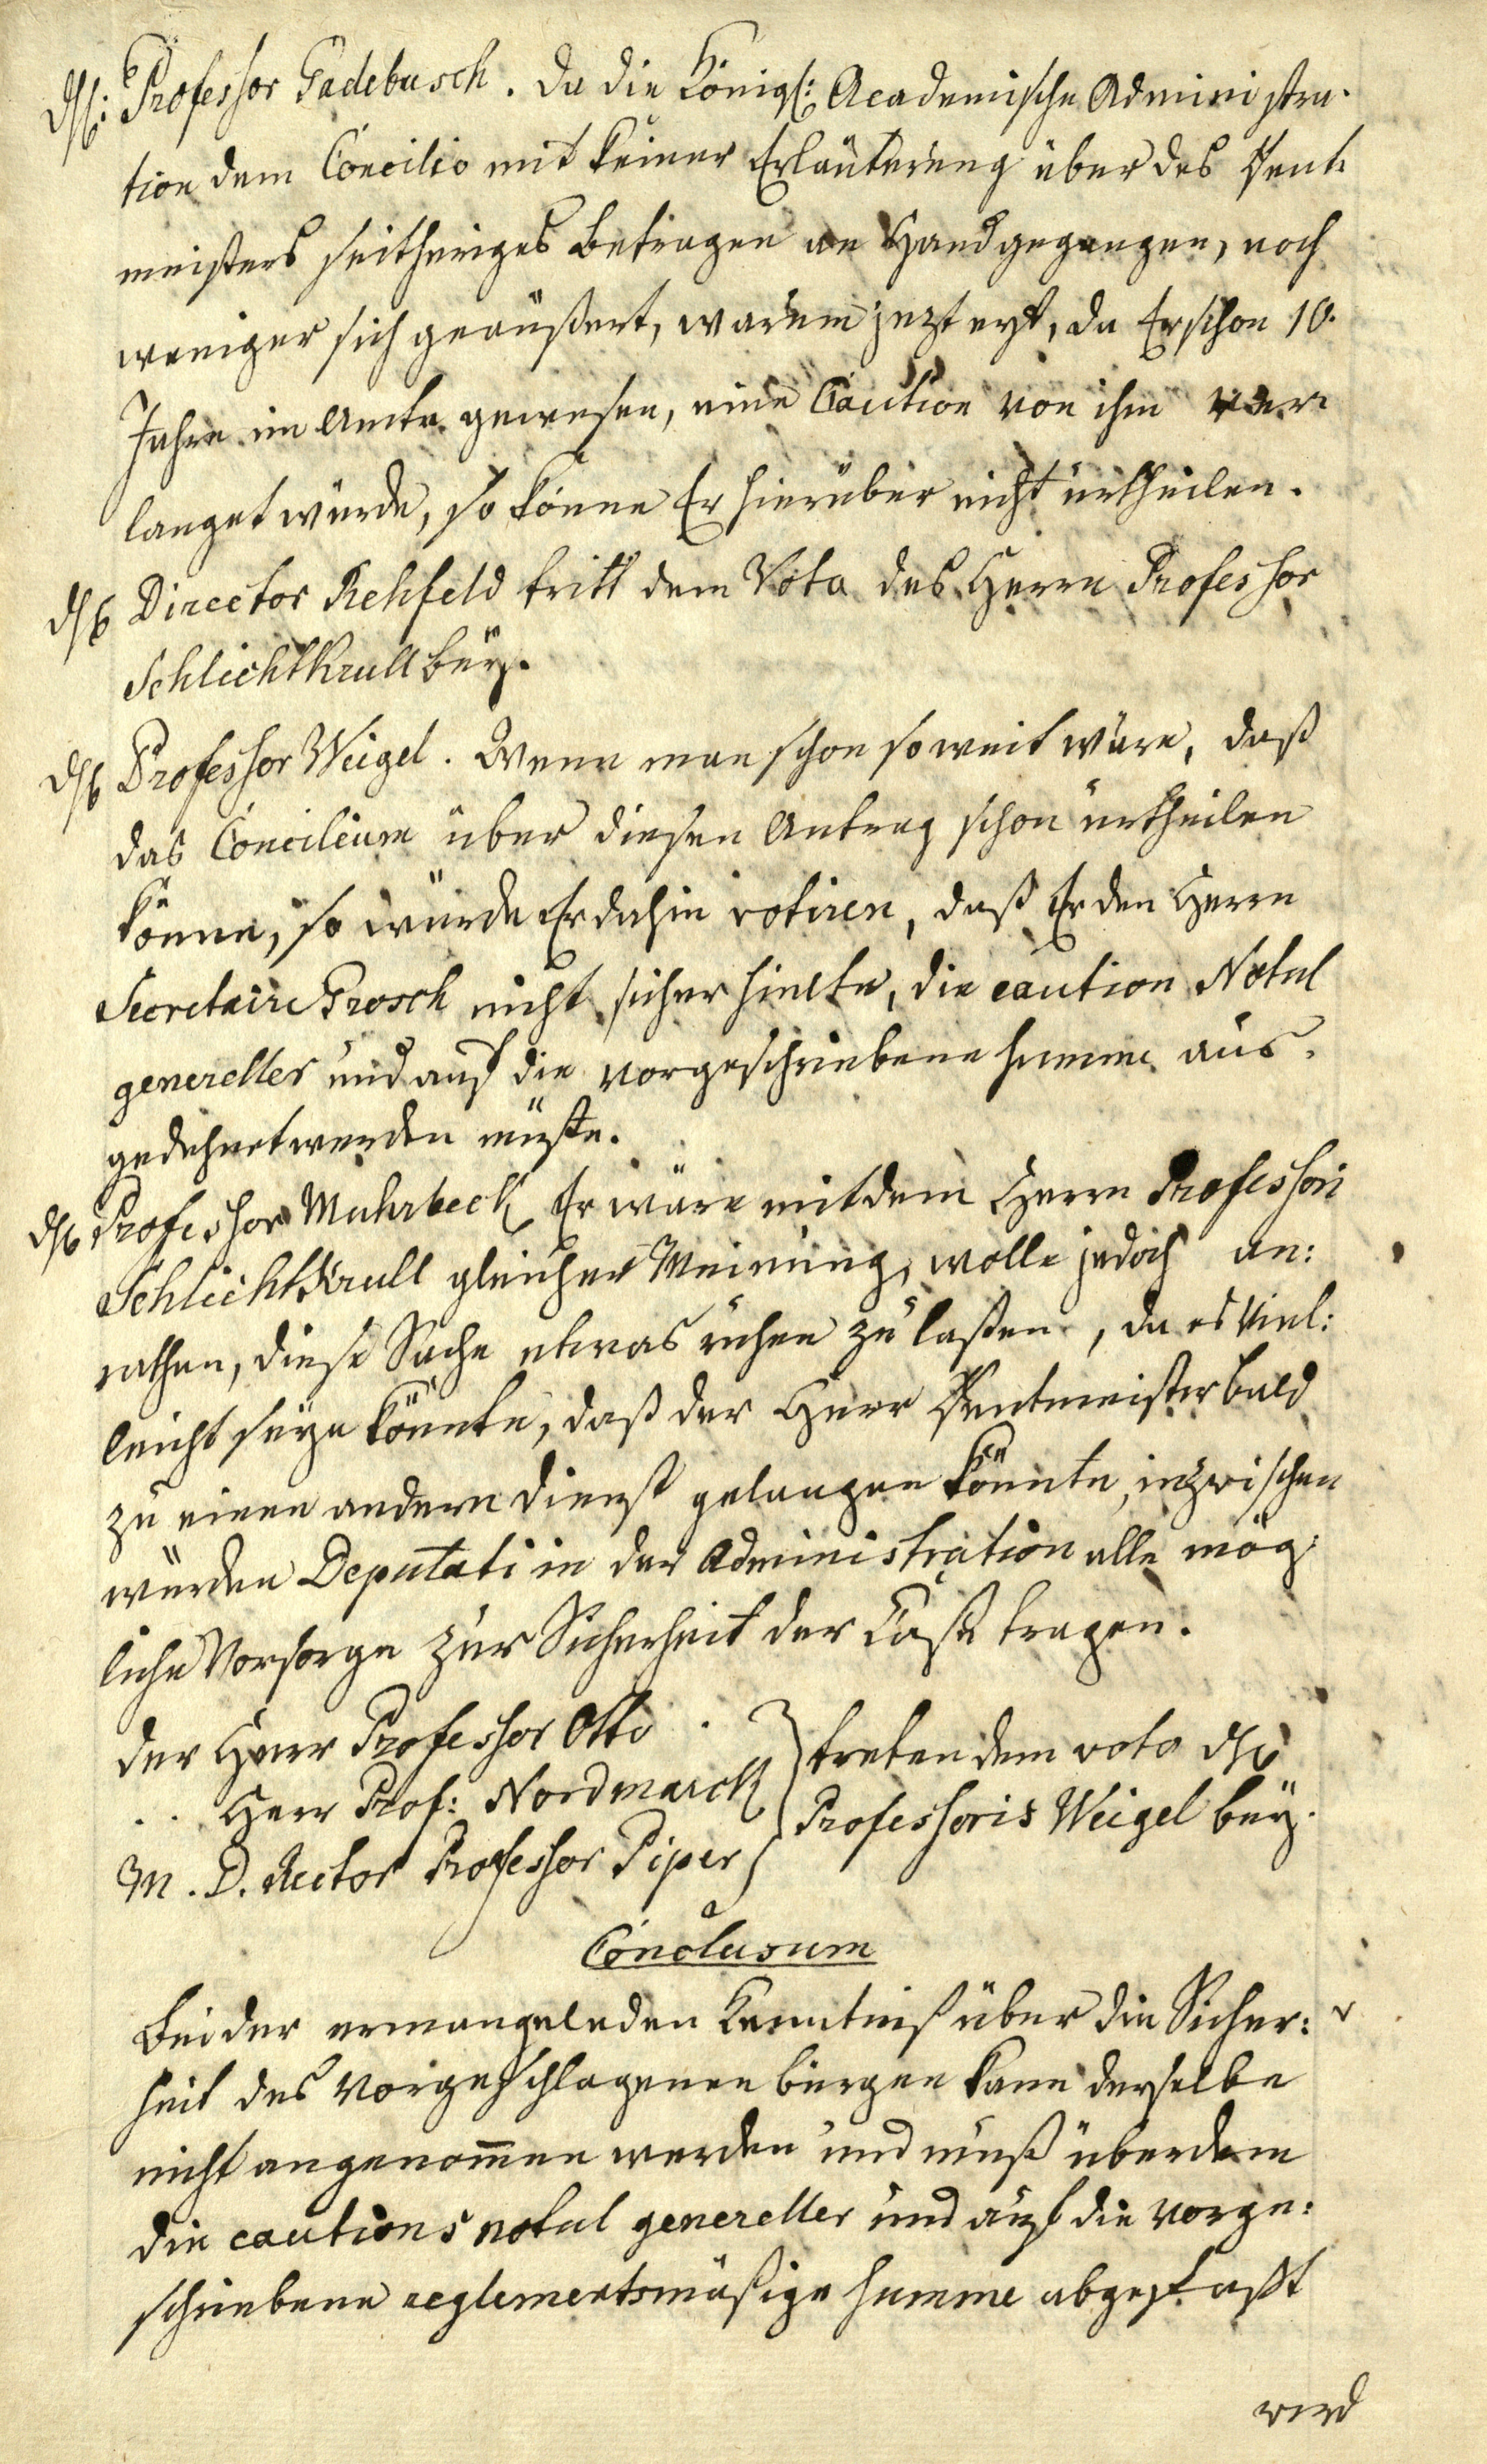dh. Professor Gadebusch. Da die Königl Academische Administra¬
tion dem Concilio mit keiner Erläuterung über des Rent¬
meisters seitheriges Betragen an Hand gegangen, noch
weniger sich geäußert, warum jezt erst, da Er schon 10.
Jahre in Amte gewesen, eine Caution von ihm ver¬
langet würde, so könne Er hierüber nicht urtheilen.
dh Director Rehfeld tritt dem Vota das Herrn Professor
Schlichtkrull beÿ.
dh Professor Weigel. Wenn man schon so weit wäre, daß
das Concilium über diesen Antrag schon u
könne, so würde Er dahin votiren, daß Er den Herrn
Secretaire Grosch nicht sicher hielte, die Caution Notul
genereller und auf die vorgeschriebene Summe aus¬
gedehnet werden müste.
dh Professor Muhrbeck. Er wäre mit dem Herrn Professor
Schlichtkrull gleicher Meinung, wolle jedoch an¬
rathen, diese Sache etwas reichen zu laßen, da es viel¬
leicht seÿn könnte, daß der Herr Rentmeister bald
zu einen andern Dienst gelangen könnte, inzwischen
würden Deputati in der Administration alle mög¬
liche Vorsorge zur Sicherheit der Caße tragen.
der Herr Professor Otto
treten dem voto dh
Herr Prof. Nordmarck
M. D. Rector Professor Piper,
Professoris Weigel beÿ
Conclusum
Bei der ermangelnden Kentniß über die Sicher¬
heit des vorgeschlagenen Bürgen kann derselbe
nicht angenomen werden und müße überdem
die cautions notul genereller und auf die vorge¬
schriebene reglementsmäßige Summe abgefaßt
werd